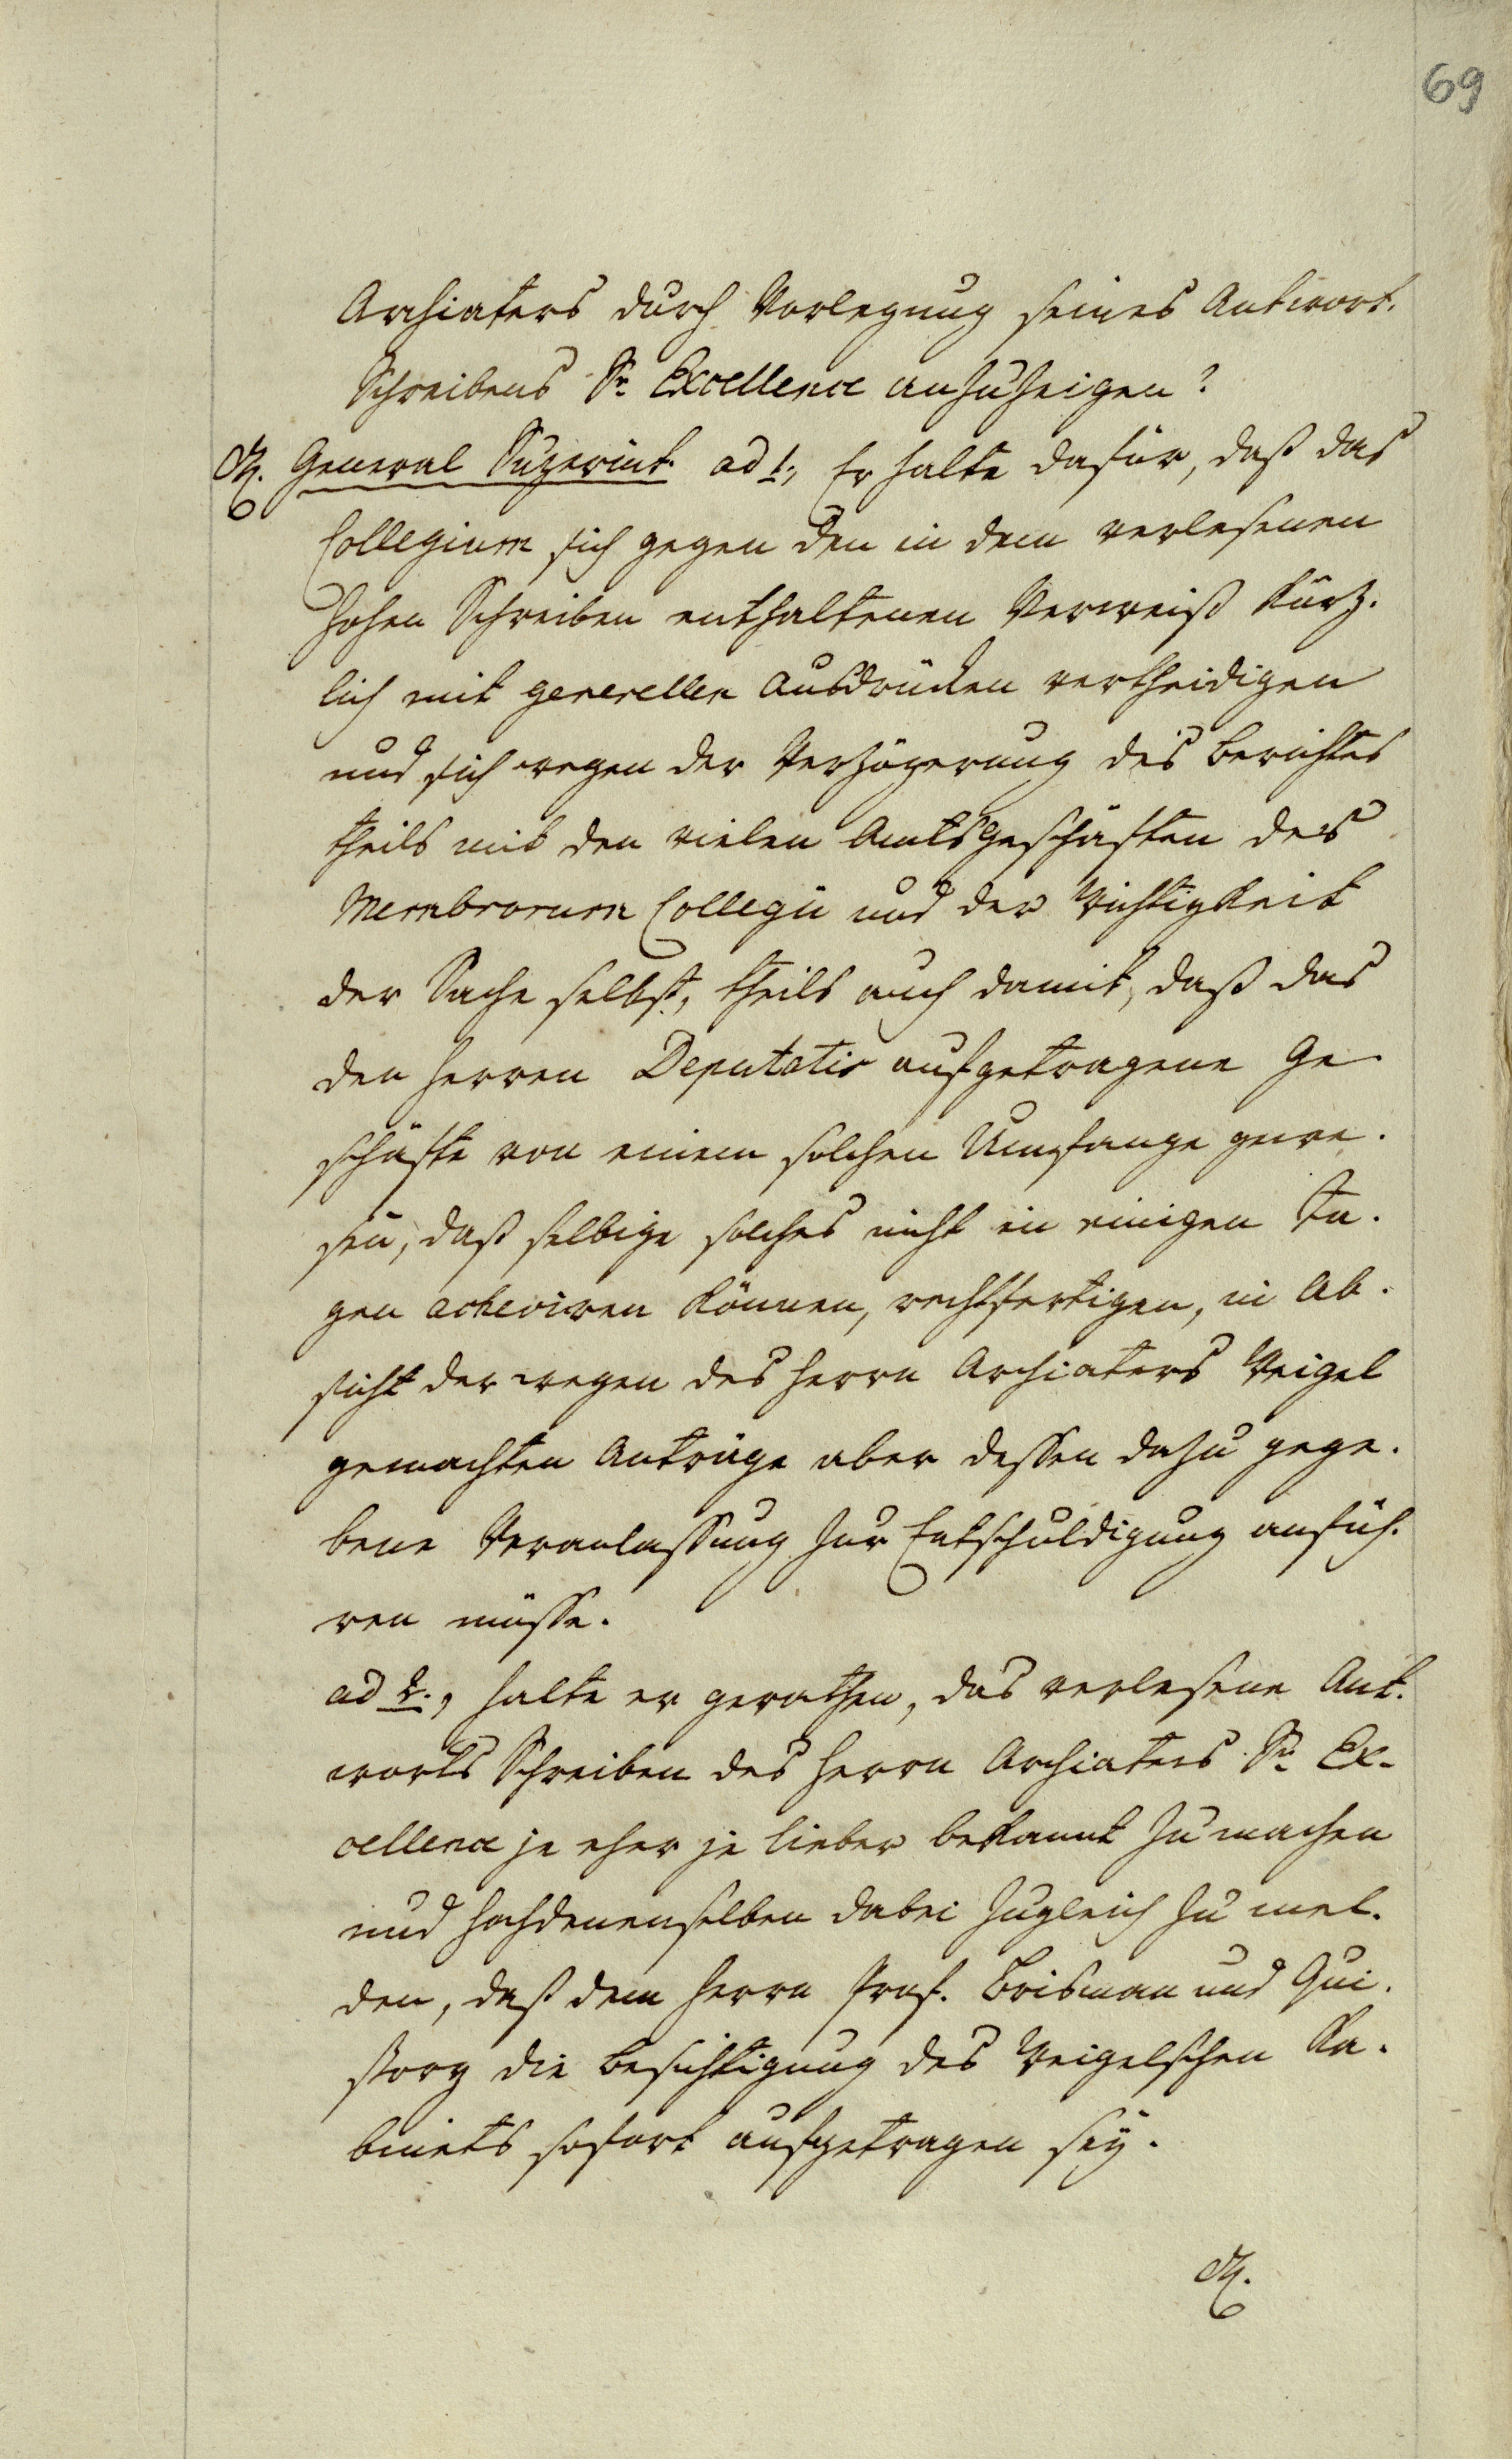Archiaters durch Vorlegung seines Antwort¬
Schreibens Sr Excellence anzuzeigen?
dh. General Superint. ad 1., Er halte dafür, daß das
Collegium sich gegen den in dem verlesenen
hohen Schreiben enthaltenen Verweis kürz¬
lich mit generellen Ausdrücken vertheidigen
und sich wegen der Verzögerung des Berichtes
theils mit den vielen Amtsgeschäften der
Membrorum Collegii und der Wichtigkeit
der Sache selbst, theils auch damit, daß das
den Herren Deputatis aufgetragene Ge¬
schäfte von einem solchen Umfange gewe¬
sen, daß selbige solches nicht in einigen Ta¬
gen acheriren können, rechtfertigen, in Ab¬
sicht der wegen des Herrn Archiaters Weigel
gemachten Anträge aber dessen dazu gege¬
bene Veranlassung zur Entschuldigung anfüh¬
ren müsse.
ad 2., halte er gerathen, das verlesene Ant¬
worts Schreiben des Herrn Archiaters Sr Ex¬
cellence je eher je lieber bekannt zu machen
und hochdenenselben dabei zugleich zu mel¬
den, daß dem Herrn Prof. Brisman und Qui¬
storp, die Besichtigung des Weigelschen Ka¬
binets sofort aufgetragen seÿ.
dh.